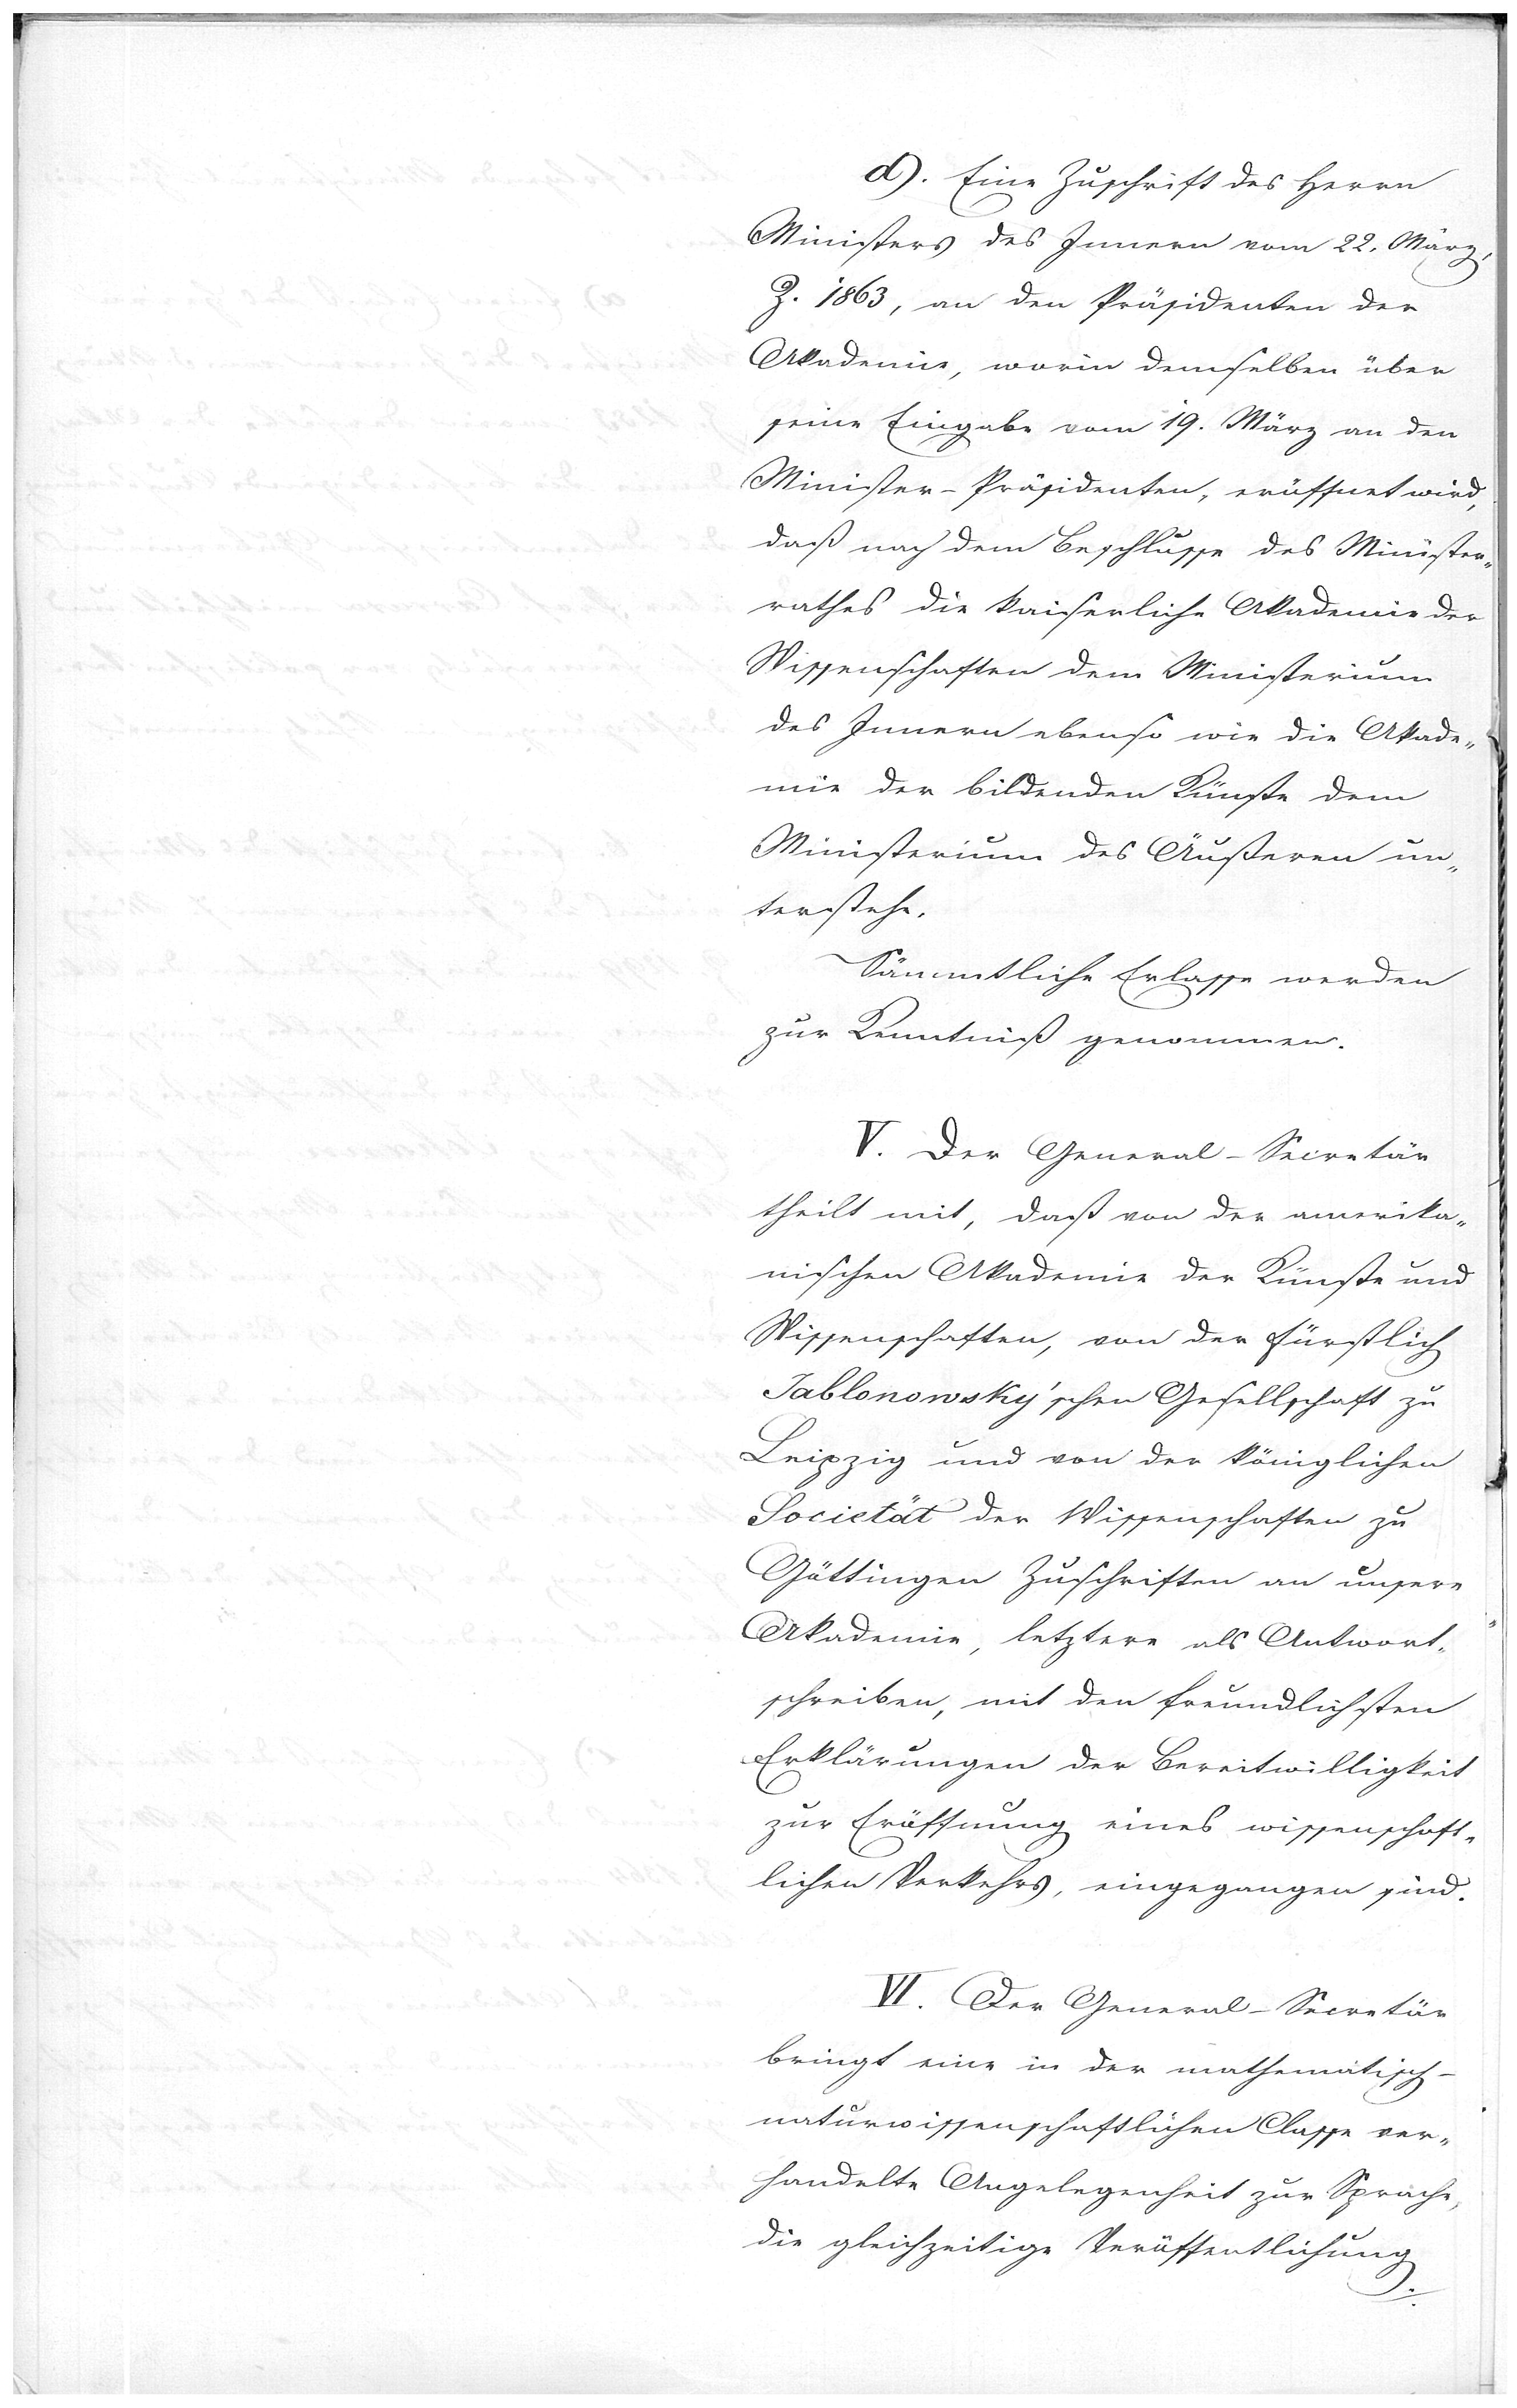d). Eine Zuschrift des Herrn
Ministers des Innern vom 22. März,
Z. 1863, an den Präsidenten der
Akademie, worin demselben über
seine Eingabe von 19. März an den
Minister-Präsidenten, eröffnet wird,
daß nach dem Beschlusse des Minister-
rathes die kaiserliche Akademie der
Wissenschaften dem Ministerium
des Innern ebenso wie die Akade-
mie der bildenden Künste dem
Ministerium des Äußeren u-
terstehe.
Sämmtliche Erlasse werden
zur Kenntniß genommen.
V. Der General-Secretär
theilt mit, daß von der amerika-
nischen Akademie der Künste und
Wissenschaften, von der Fürstlich
Jablonowsk'schen Gesellschaft zu
Leipzig und von der köinglichen
Societät der Wissenschaften zu
Göttingen Zuschriften an unsere
Akademie, letztere als Antwort-
schreiben, mit den freundlichsten
Erklärungen der Bereitwilligkeit
zur Eröffnung eines wissenschaft-
lichen Verkehrs eingegangen sind.
VI. Der General-Secretär
bringt eine in der mathematisch-
naturwissenschaftlichen Classe ver-
handelte Angelegenheit zur Sprache,
die gleichzeitige Veröffentlichung